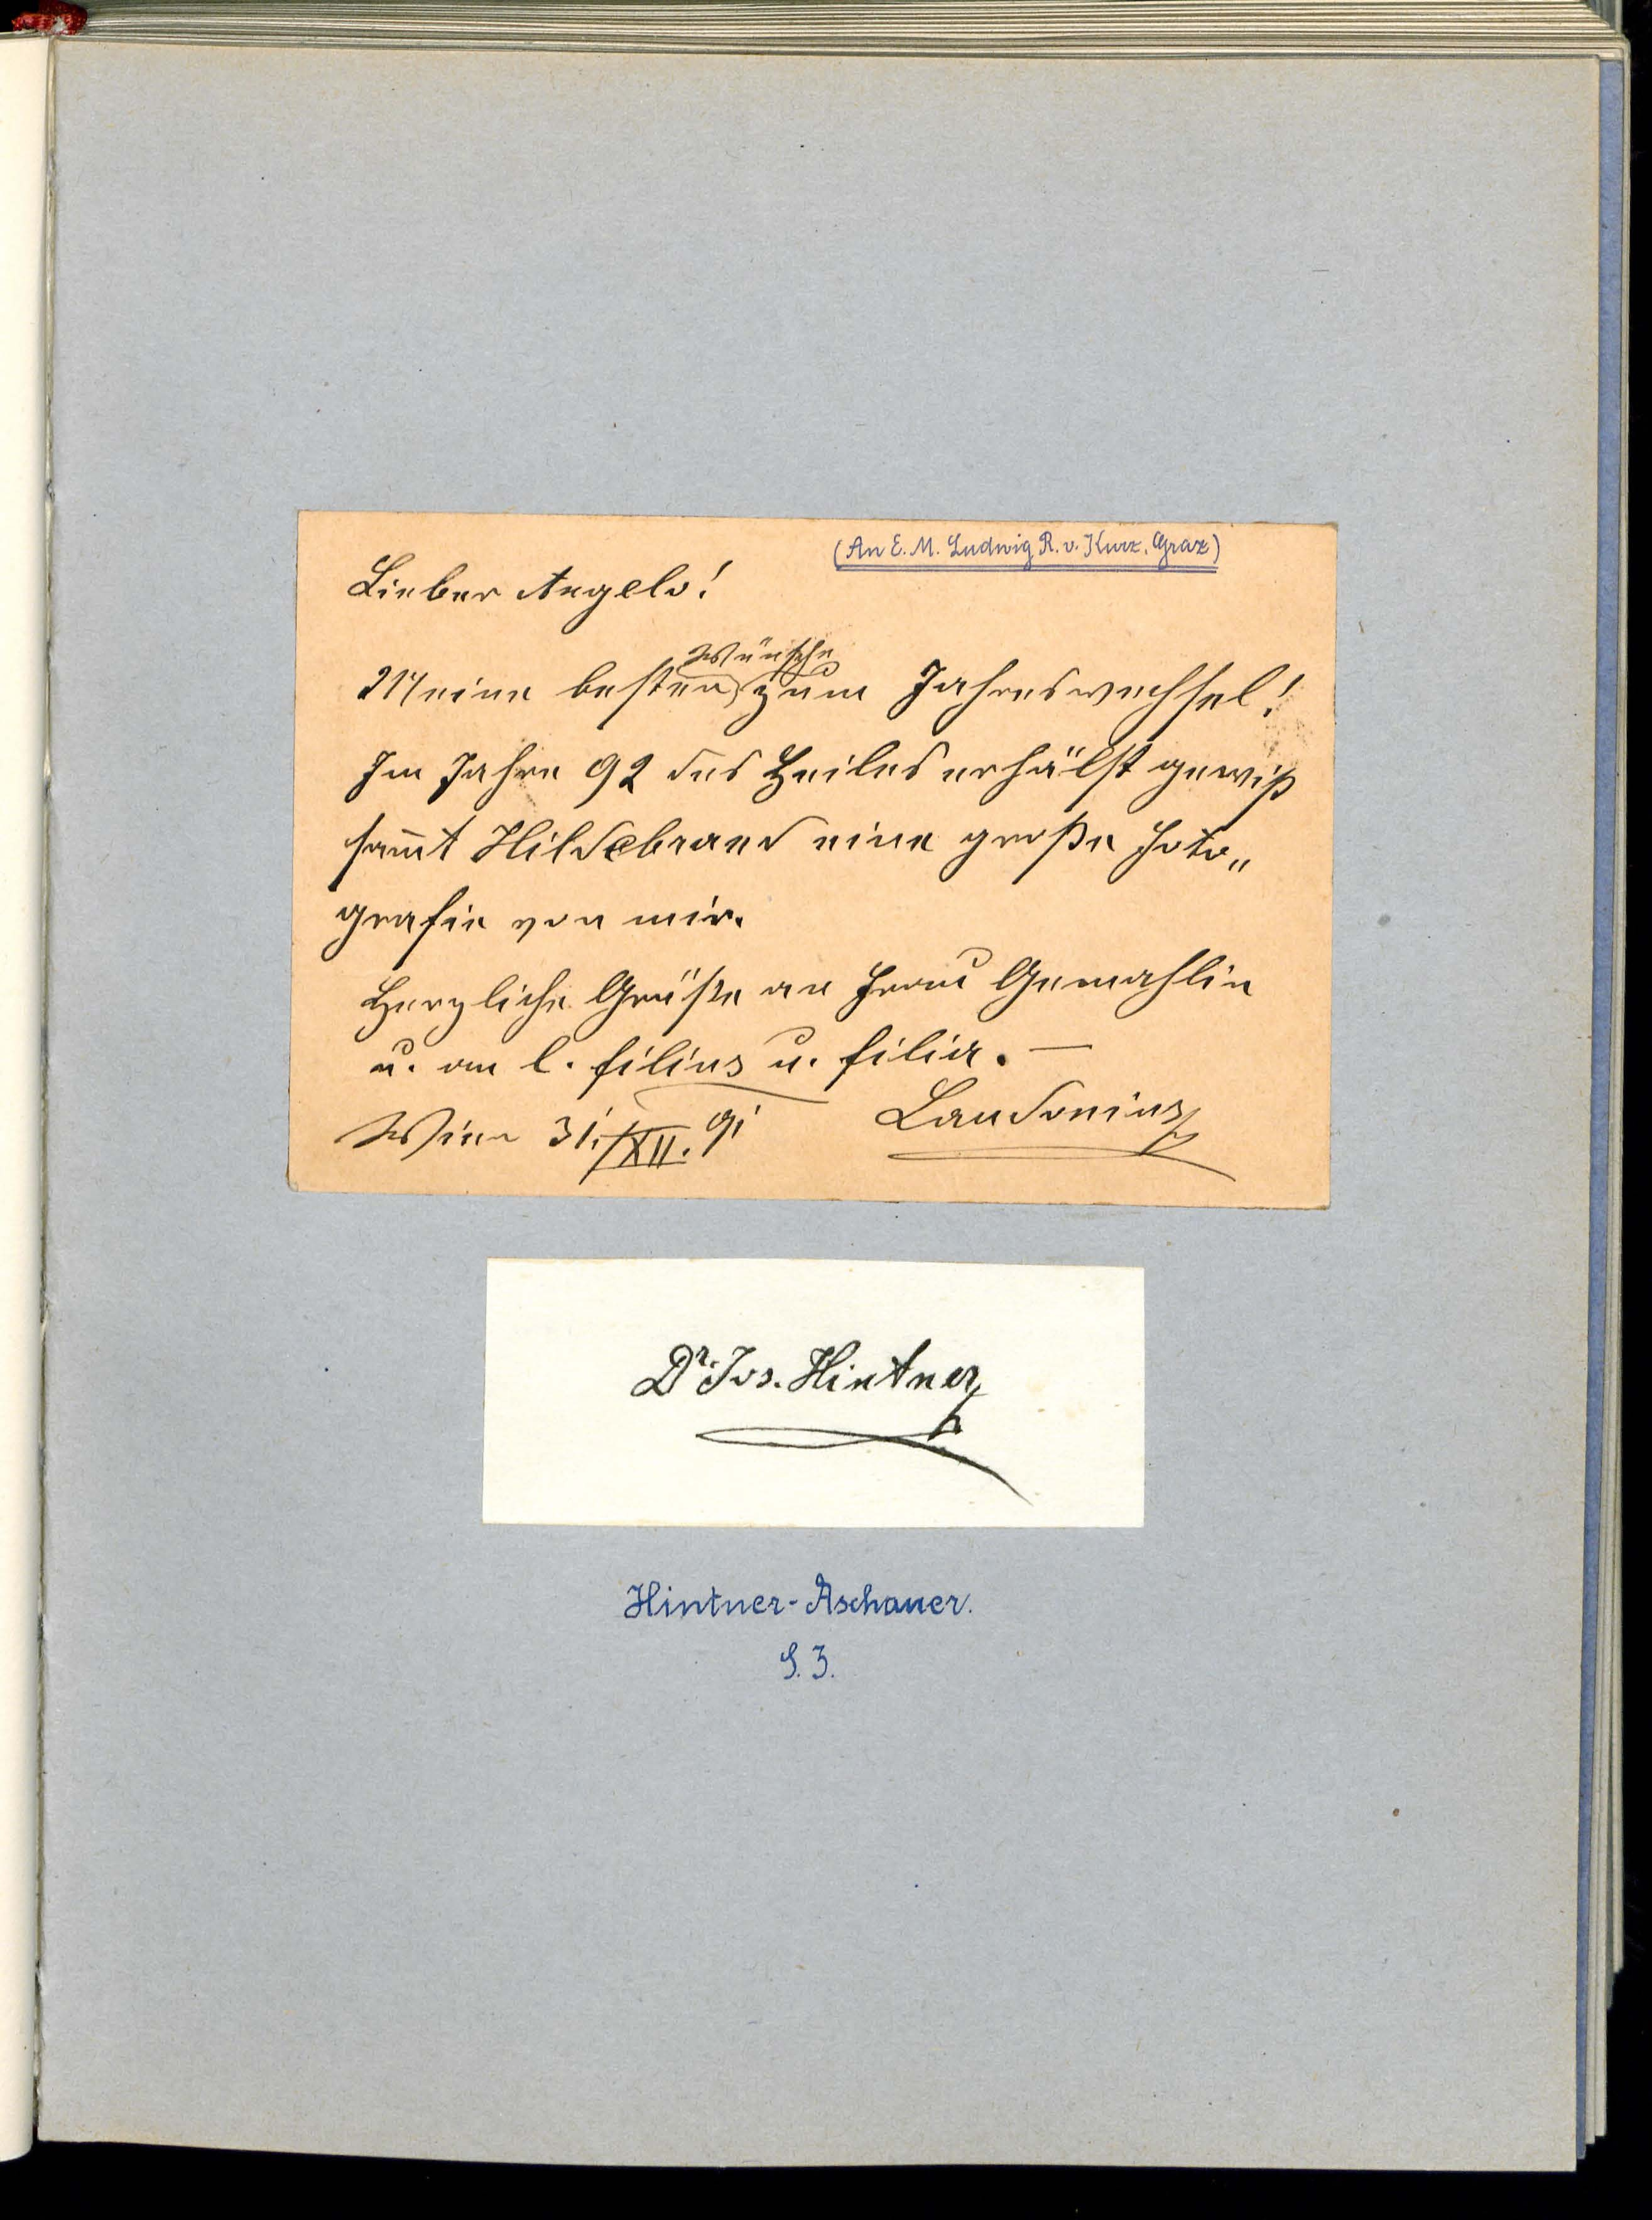(An E. M. Ludwig R. v. Kurz, Graz)
Lieber Angelo!
Meine besten Wünsche zum Jahreswechsel!
Im Jahr 98 des Heiles erhalst gewiß
faust Hildebrand eine große Foto-
grafie von mir.
Herzliche Grüße an Frau Gemahlin
u. an. l. filius u. filia.-
Laudonius
Wien 31. IXII. 91
Dr. Jos. Hintner
Hintner - Aschauer.
S.3.